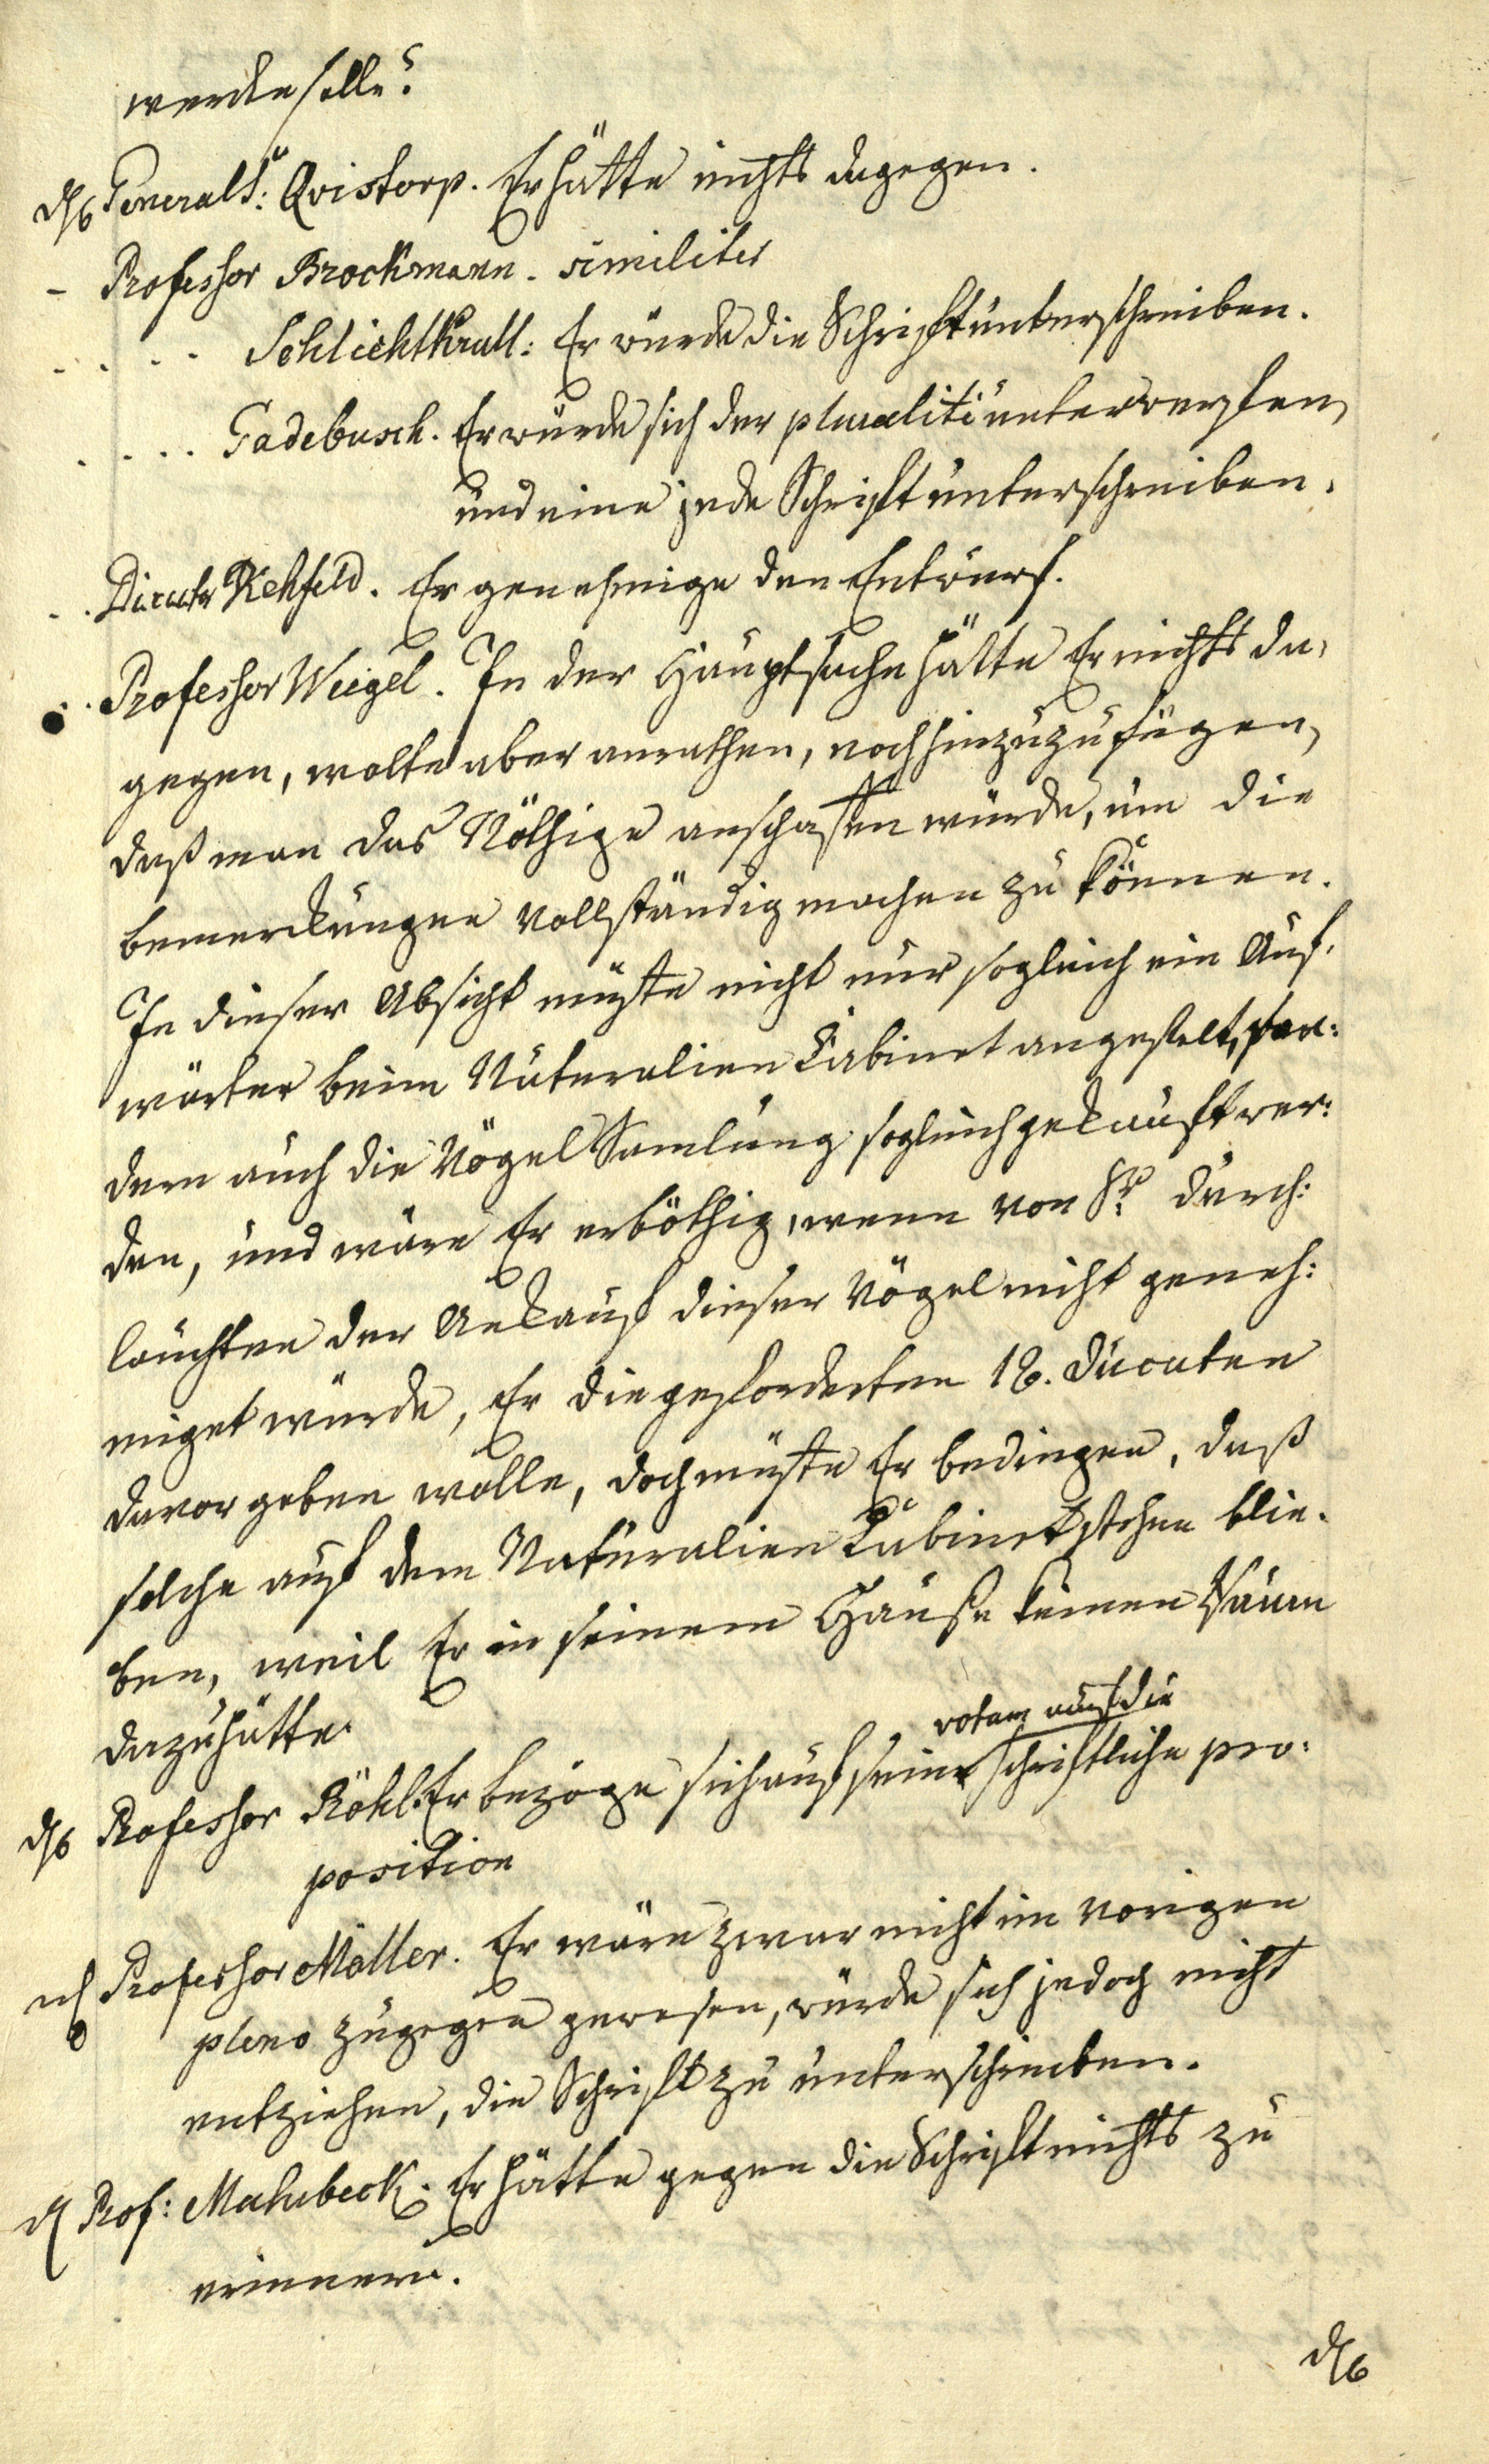werden solle?
dh GeneralS. Quistorp. Er hätte nichts dagegen.
Professor Brockmann. similiter
Schlichtkrull. Er würde die Schrift unterschreiben.
Gadebusch. Er würde sich der pluraliti unterwerfen,
und eine jede Schrift unterschreiben.
Director Rehfeld. Er genehmige den Entwurf.
Professor Weigel. In der Hauptsache hätte Er nichts da¬
gegen, wolte aber anrathen, noch hinzuzufügen,
daß man das Nöthige anschaffen würde, um die
Bemerckungen vollständig machen zu können.
In dieser Absicht müßte nicht nur sogleich ein Auf¬
wärter beim Naturalien Cabinet angestelt, son¬
dern auch die Vögel Samlung sogleich gekauft wer¬
den, und wäre Er erböthig, wenn von Sr Durch¬
lauchten der Ankauf dieser Vögel nicht geneh¬
miget würde, Er die geforderten 18. Ducaten
davor geben wolle, doch müste Er bedingen, daß
solche auf dem Naturalien Cabinet stehen blie¬
ben, weil Er in seinem Hauße keinen Raum
dazu hätte.
dh. Professor Röhl. Er bezöge sich aus sein votum auf die schriftliche pro¬
position
dh Professor Möller. Er wäre zwar nicht im vorigen
pleno zugegen gewesen, würde sich jedoch nicht
entziehen, die Schrift zu unterschreiben.
dh Prof. Muhrbeck. Er hätte gegen dieSchrift nichts zu
erinnern.
dh